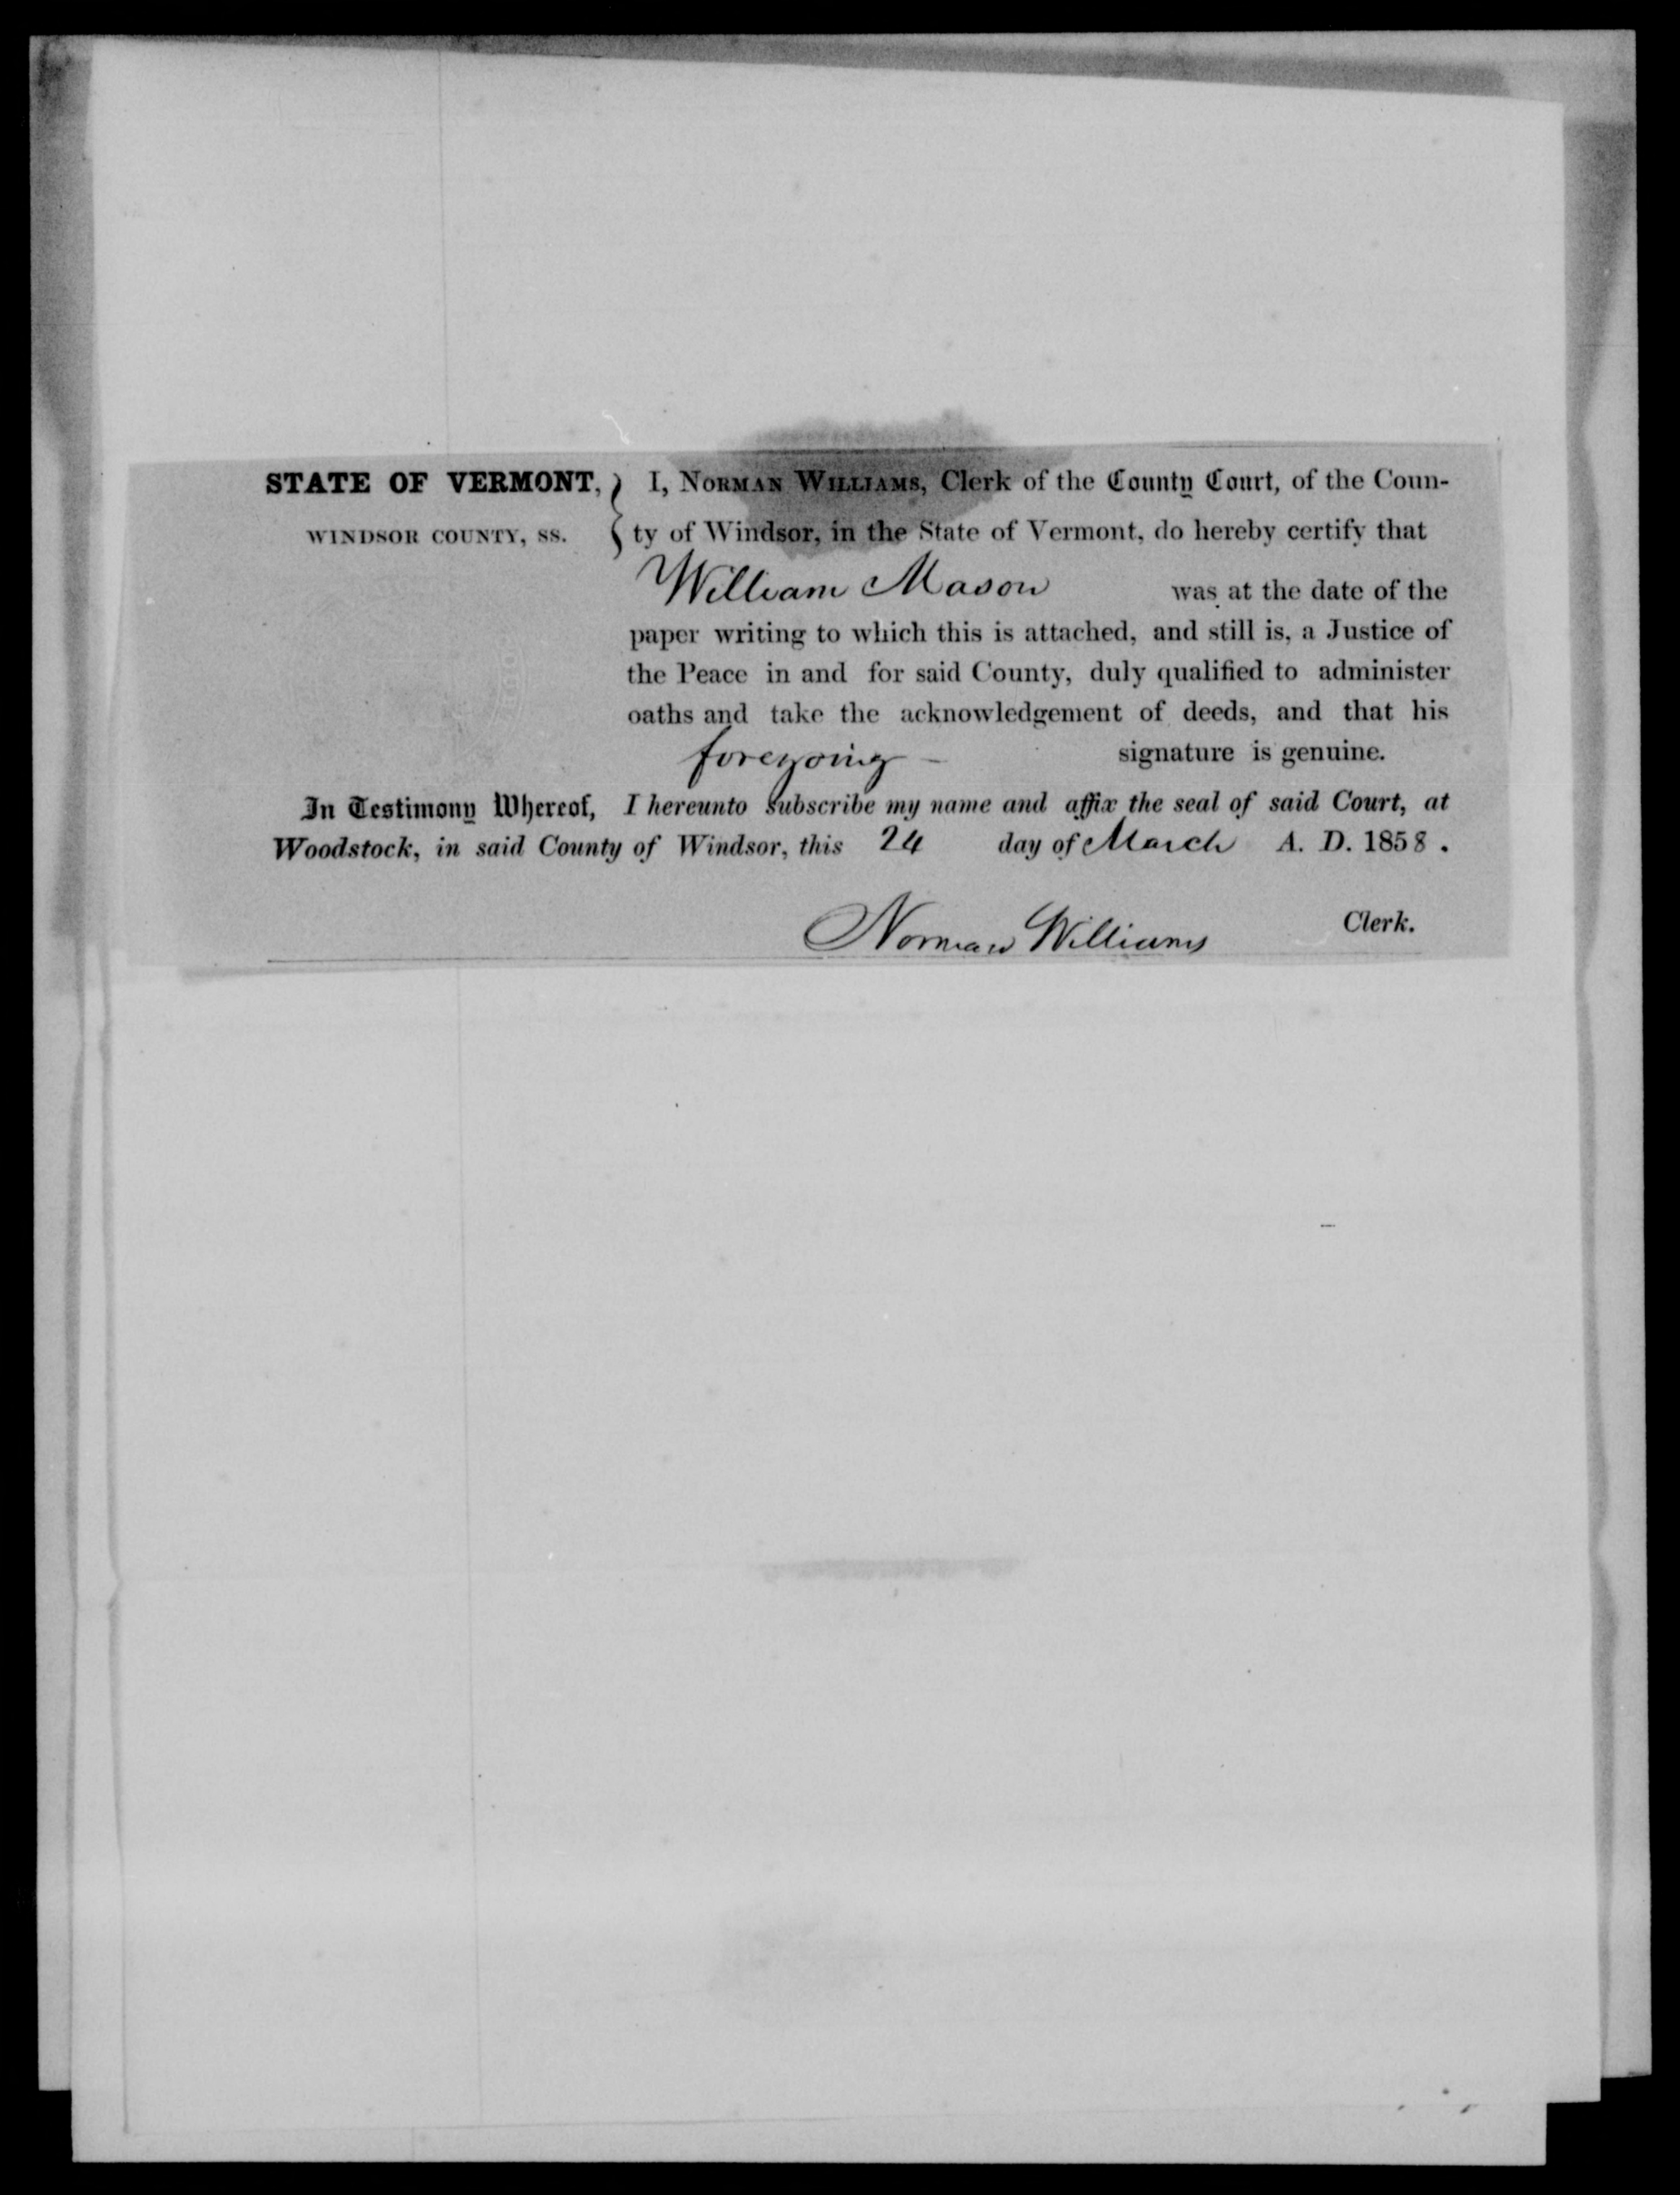State of Vermont
Windsor County, SS
I, Norman Williams, Clerk of the County Court, of the County of Windor, in the State of Vermont,, do hereby certify that William Mason was at the date of the paper writing to which this is attached, and still is, a Justice of the Peace in and for said County, duly qualified to administer oaths and take the acknowledgement of deeds, and that his foregoing signature is genuine.
In Testimony Whereof, I hereunto subscribe my name and affix the seal of said Court, at Woodstock, in said County of Windsor, this 24 day of March A. D. 1858.
Norman Williams, Clerk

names: Norman Williams, William Mason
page: 31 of 66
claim: widow's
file: W. 2468, Amos Wetherbee, Mass.